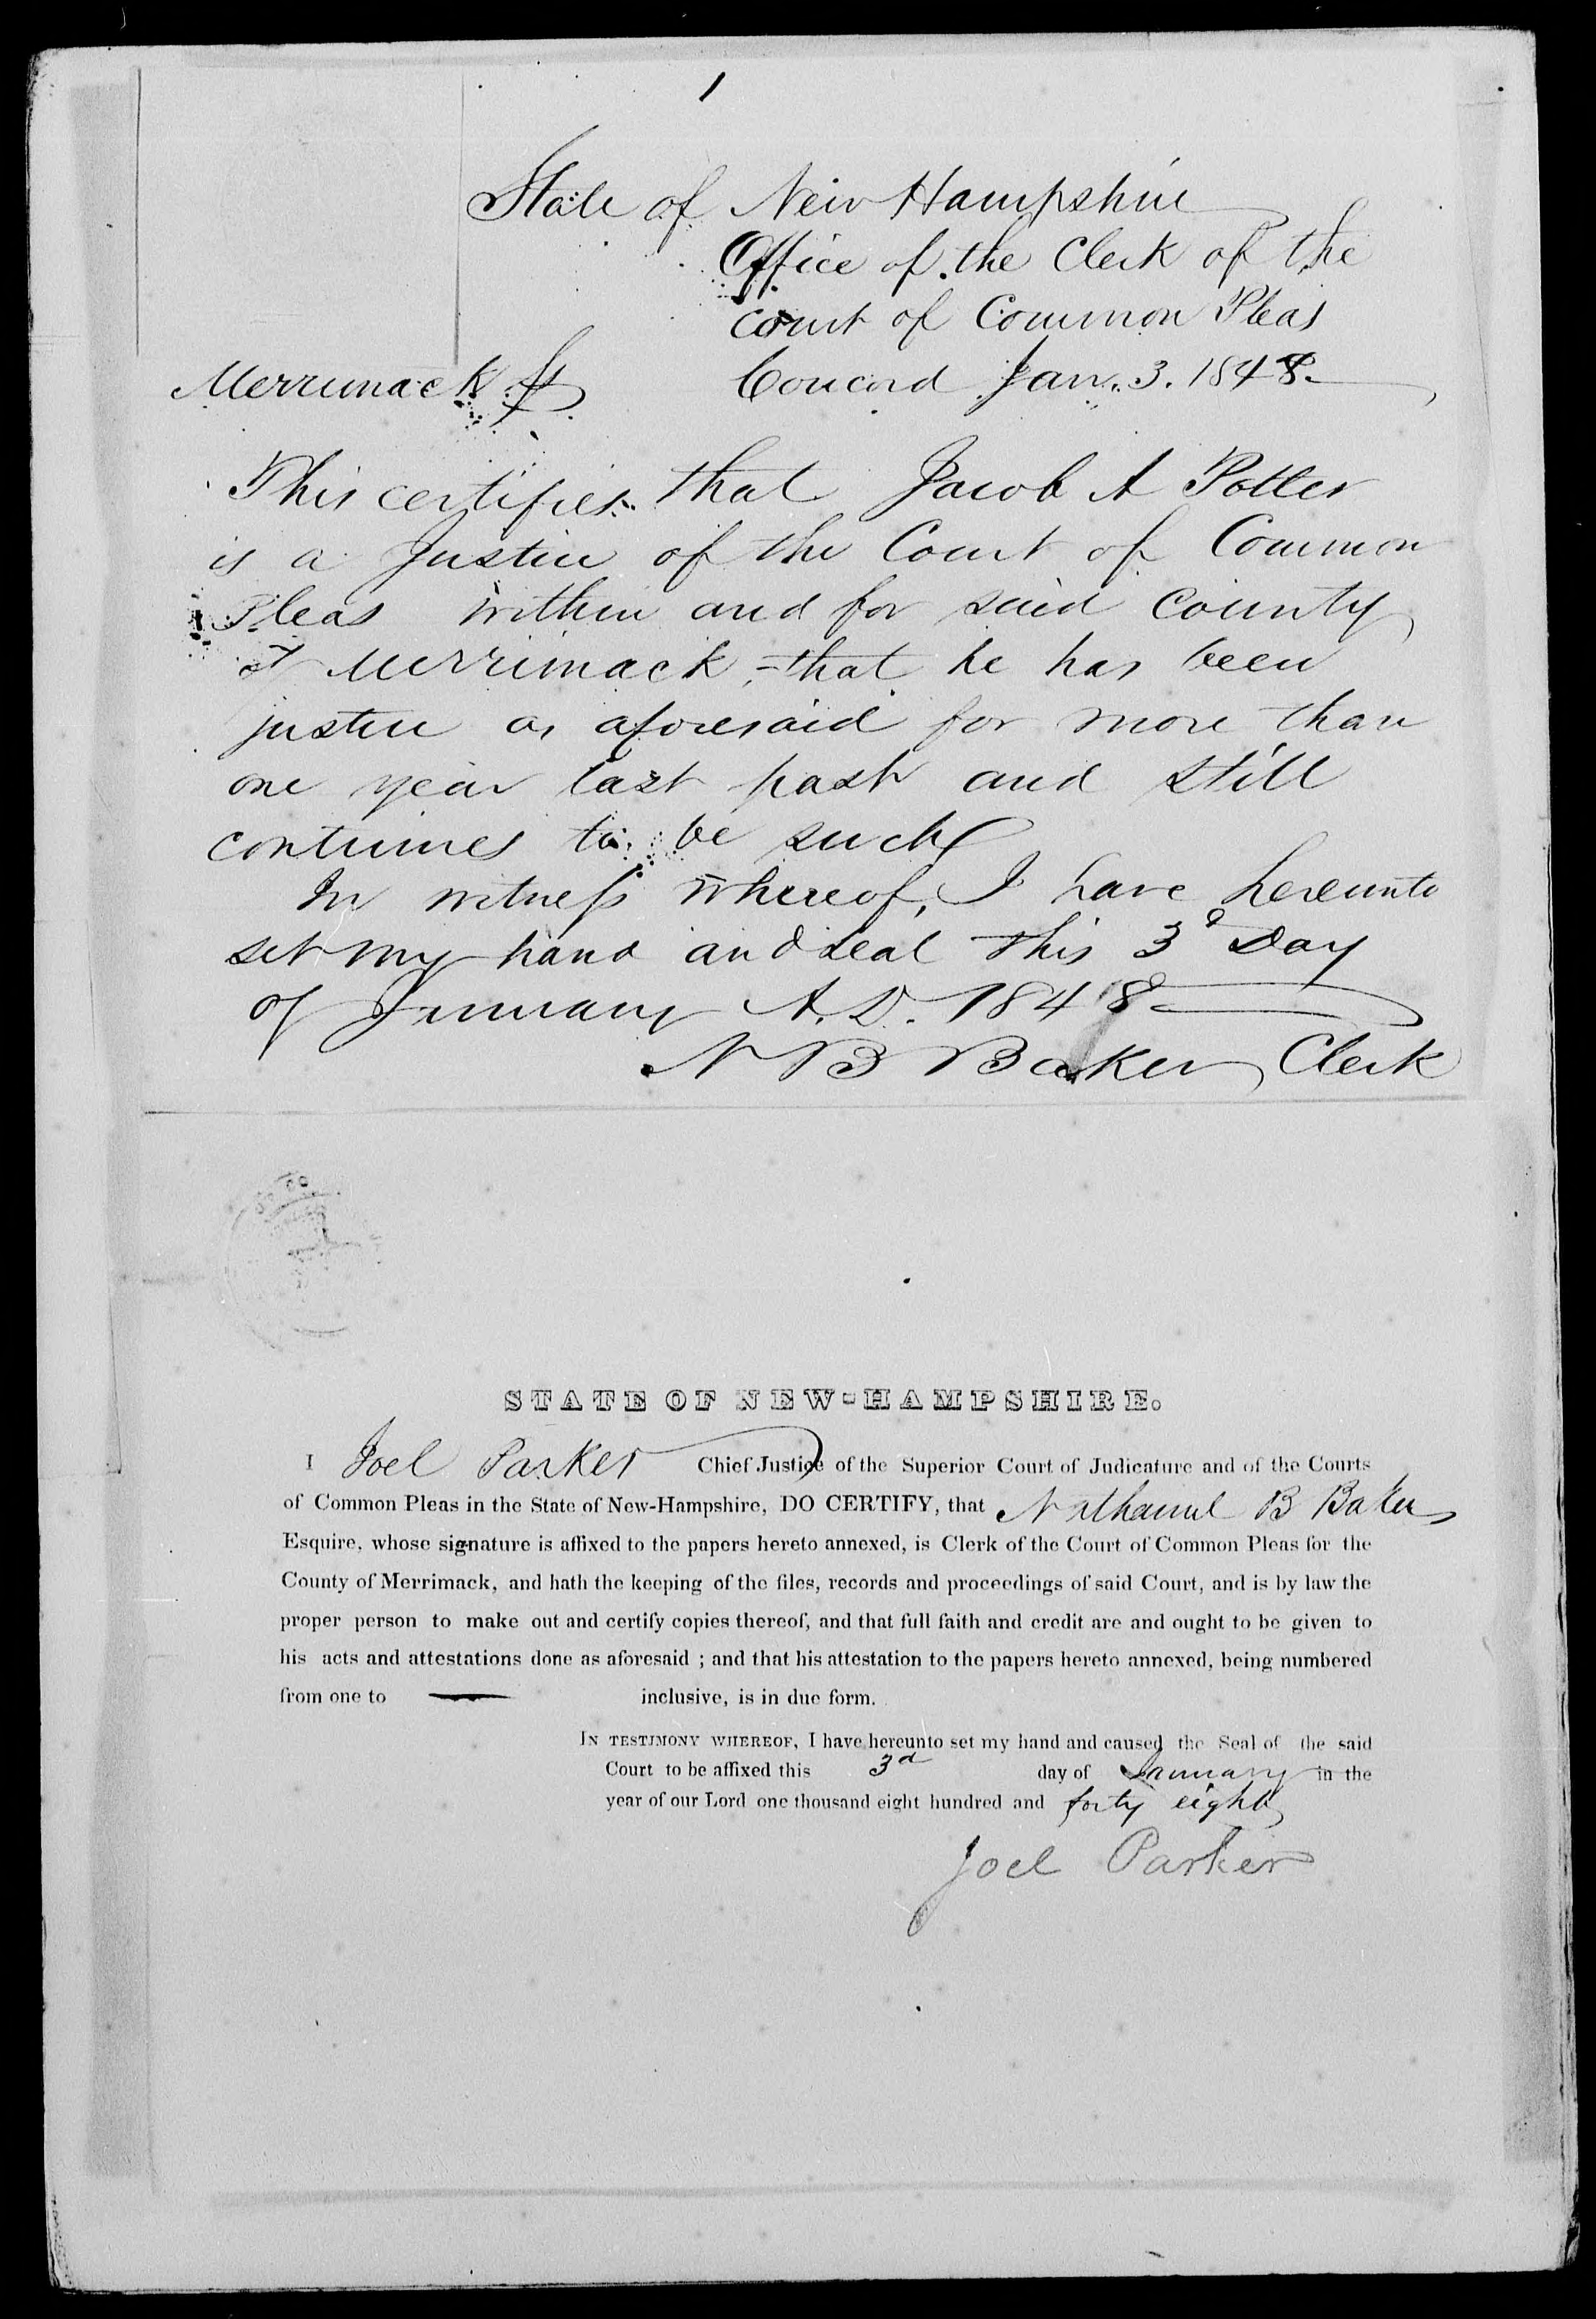State of New Hampshire
Office of the Clerk of the 
Court of Common Pleas
Concord Jan 3 1847

Merrimack Ss

This certifies that Jacob A Potter is a Justice of the Court of Common Pleas within and for said county of Merrimack that he has been justice as aforesaid for more than one year last past and still continues to be such
In witness whereof, I have hereunto set my hand and seal this 3d Day of January A.D. 1848

NB Baker Clerk

STATE OF NEW-HAMPSHIRE.
I Joel Parker Chief Justice of the Superior Court of Judicature and of the Courts of Common Pleas in the State of New-Hampshire, DO CERTIFY, that Nathaniel B Baker, Esquire, whose signature is affixed to the papers hereto annexed, is Clerk of the Court of Common Pleas for the County of Merrimack, and hath the keeping of the files, records and proceedings of said Court, and is by law the proper person to make out and certify copies thereof, and that full faith and credit are and ought to be given to his acts and attestations done as aforesaid; and that his attestation to the papers hereto annexed, being numbered from one to - inclusive, is in due form.

IN TESTIMONY WHEREOF, I have hereunto set my hand and caused the Seal of the said Court to be affixed this 3d day of January in the year of our Lord one thousand eight hundred and forty eight,

Joel Parker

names: Joel Parker, N B Baker, Jacob A Potter, Nathaniel B Baker, Joel Parker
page: 31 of 57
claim: widow's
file: W. 23217, Thomas Haines, N H